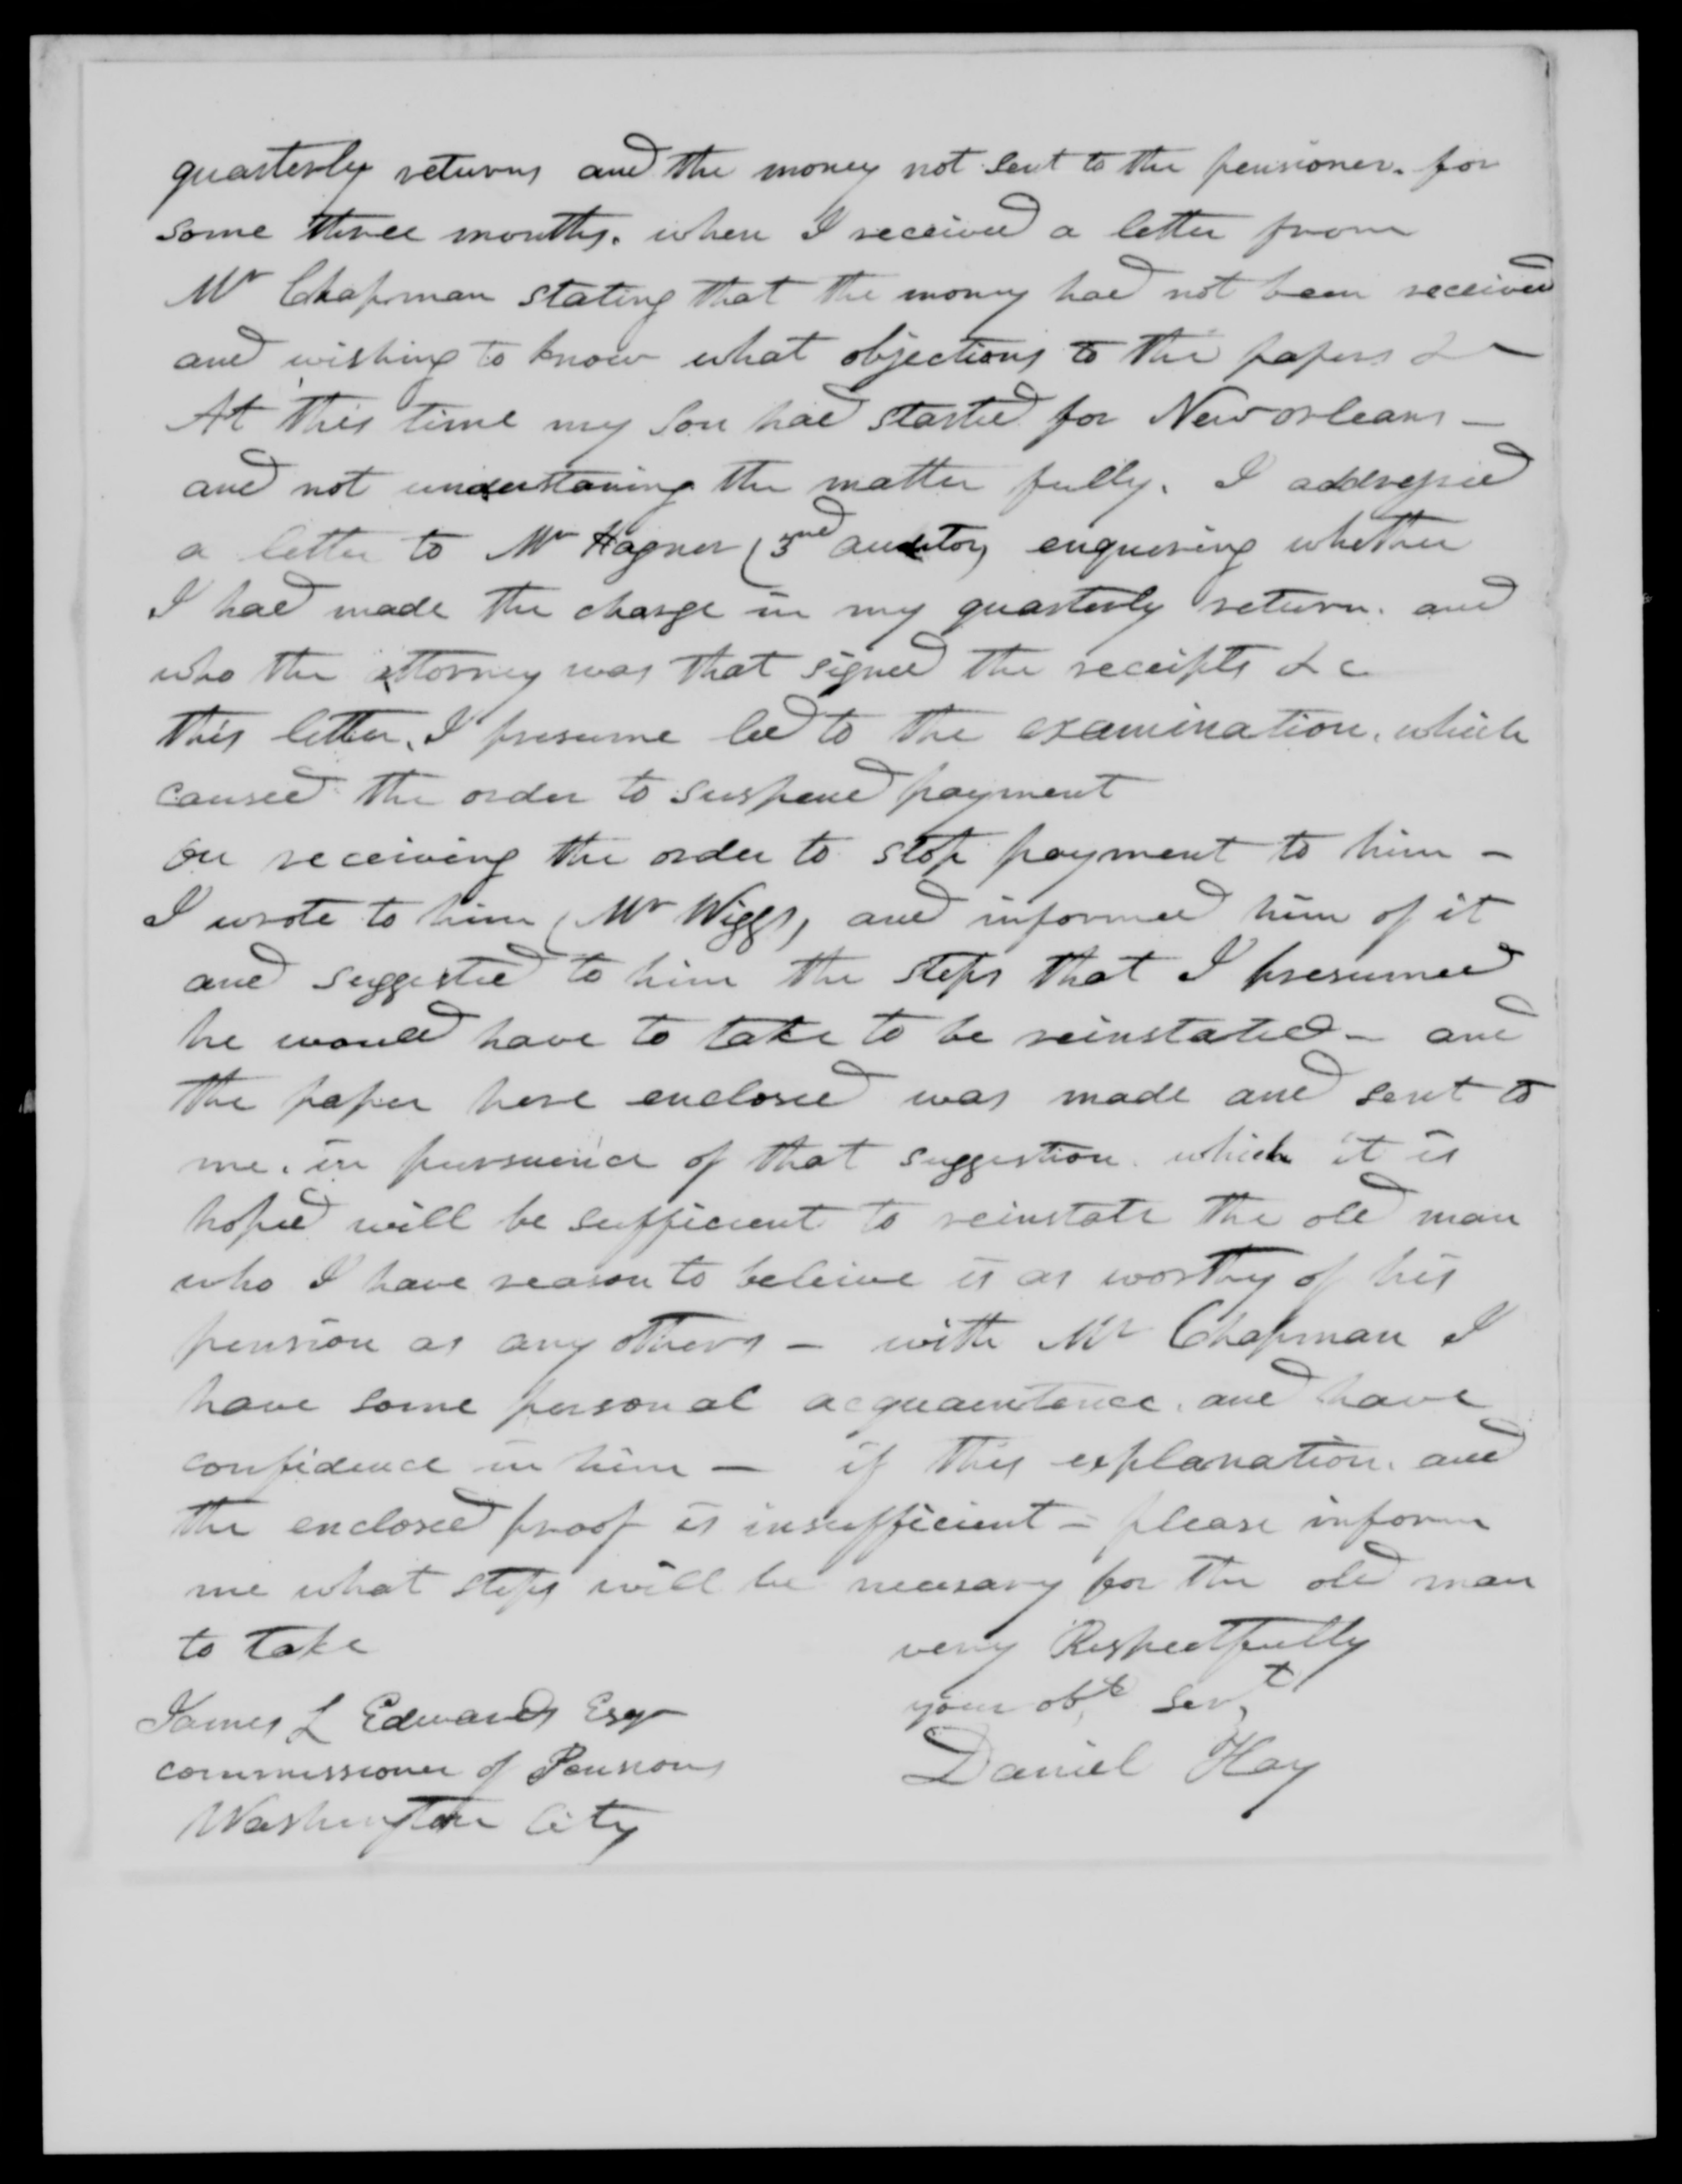quarterly returns and the money not sent to the pensioner for some three months, when I received a letter from Mr Chapman stating that the money had not been received and wishing to know what objections to the papers-
At this time my son had started for New Orleans and not understaning the matter fully. I addressed
a letter to Mr Haynes 3rd auditor enquiring whether I had made the charge in my quarterly return, and
who the attorney was that signed the receipts etc.
this letter, I presume led to the examination, which caused the order to suspend payment
on receiving the order to stop payment to him- I wrote to him (Mr Wiggs), and informed him of it
and suggested to him the steps that I presumed he would have to take to be reinstated-- and
the paper here enclosed was made and sent to me in pursuance of that suggestion which it is
hoped will be sufficient to reinstate the old man who I have reason to believe is as worthy of his
pension as any others-- with Mr Chapman I have some personal acquaintance and have
confidence in him-- if this explanation, and the enclosed proof is insufficient-- please inform
me what steps will be necessary for the old man to take
                     very Respectfully
                       your obt Ser
                      Daniel Hay

James L Edwards Esq
commissioner of Pensions 
Washington City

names: Hagner, James L Edwards, Daniel Hay, Wiggs, Chapman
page: 15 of 31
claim: survivor's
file: S. 32608, William Wiggs, N.C.